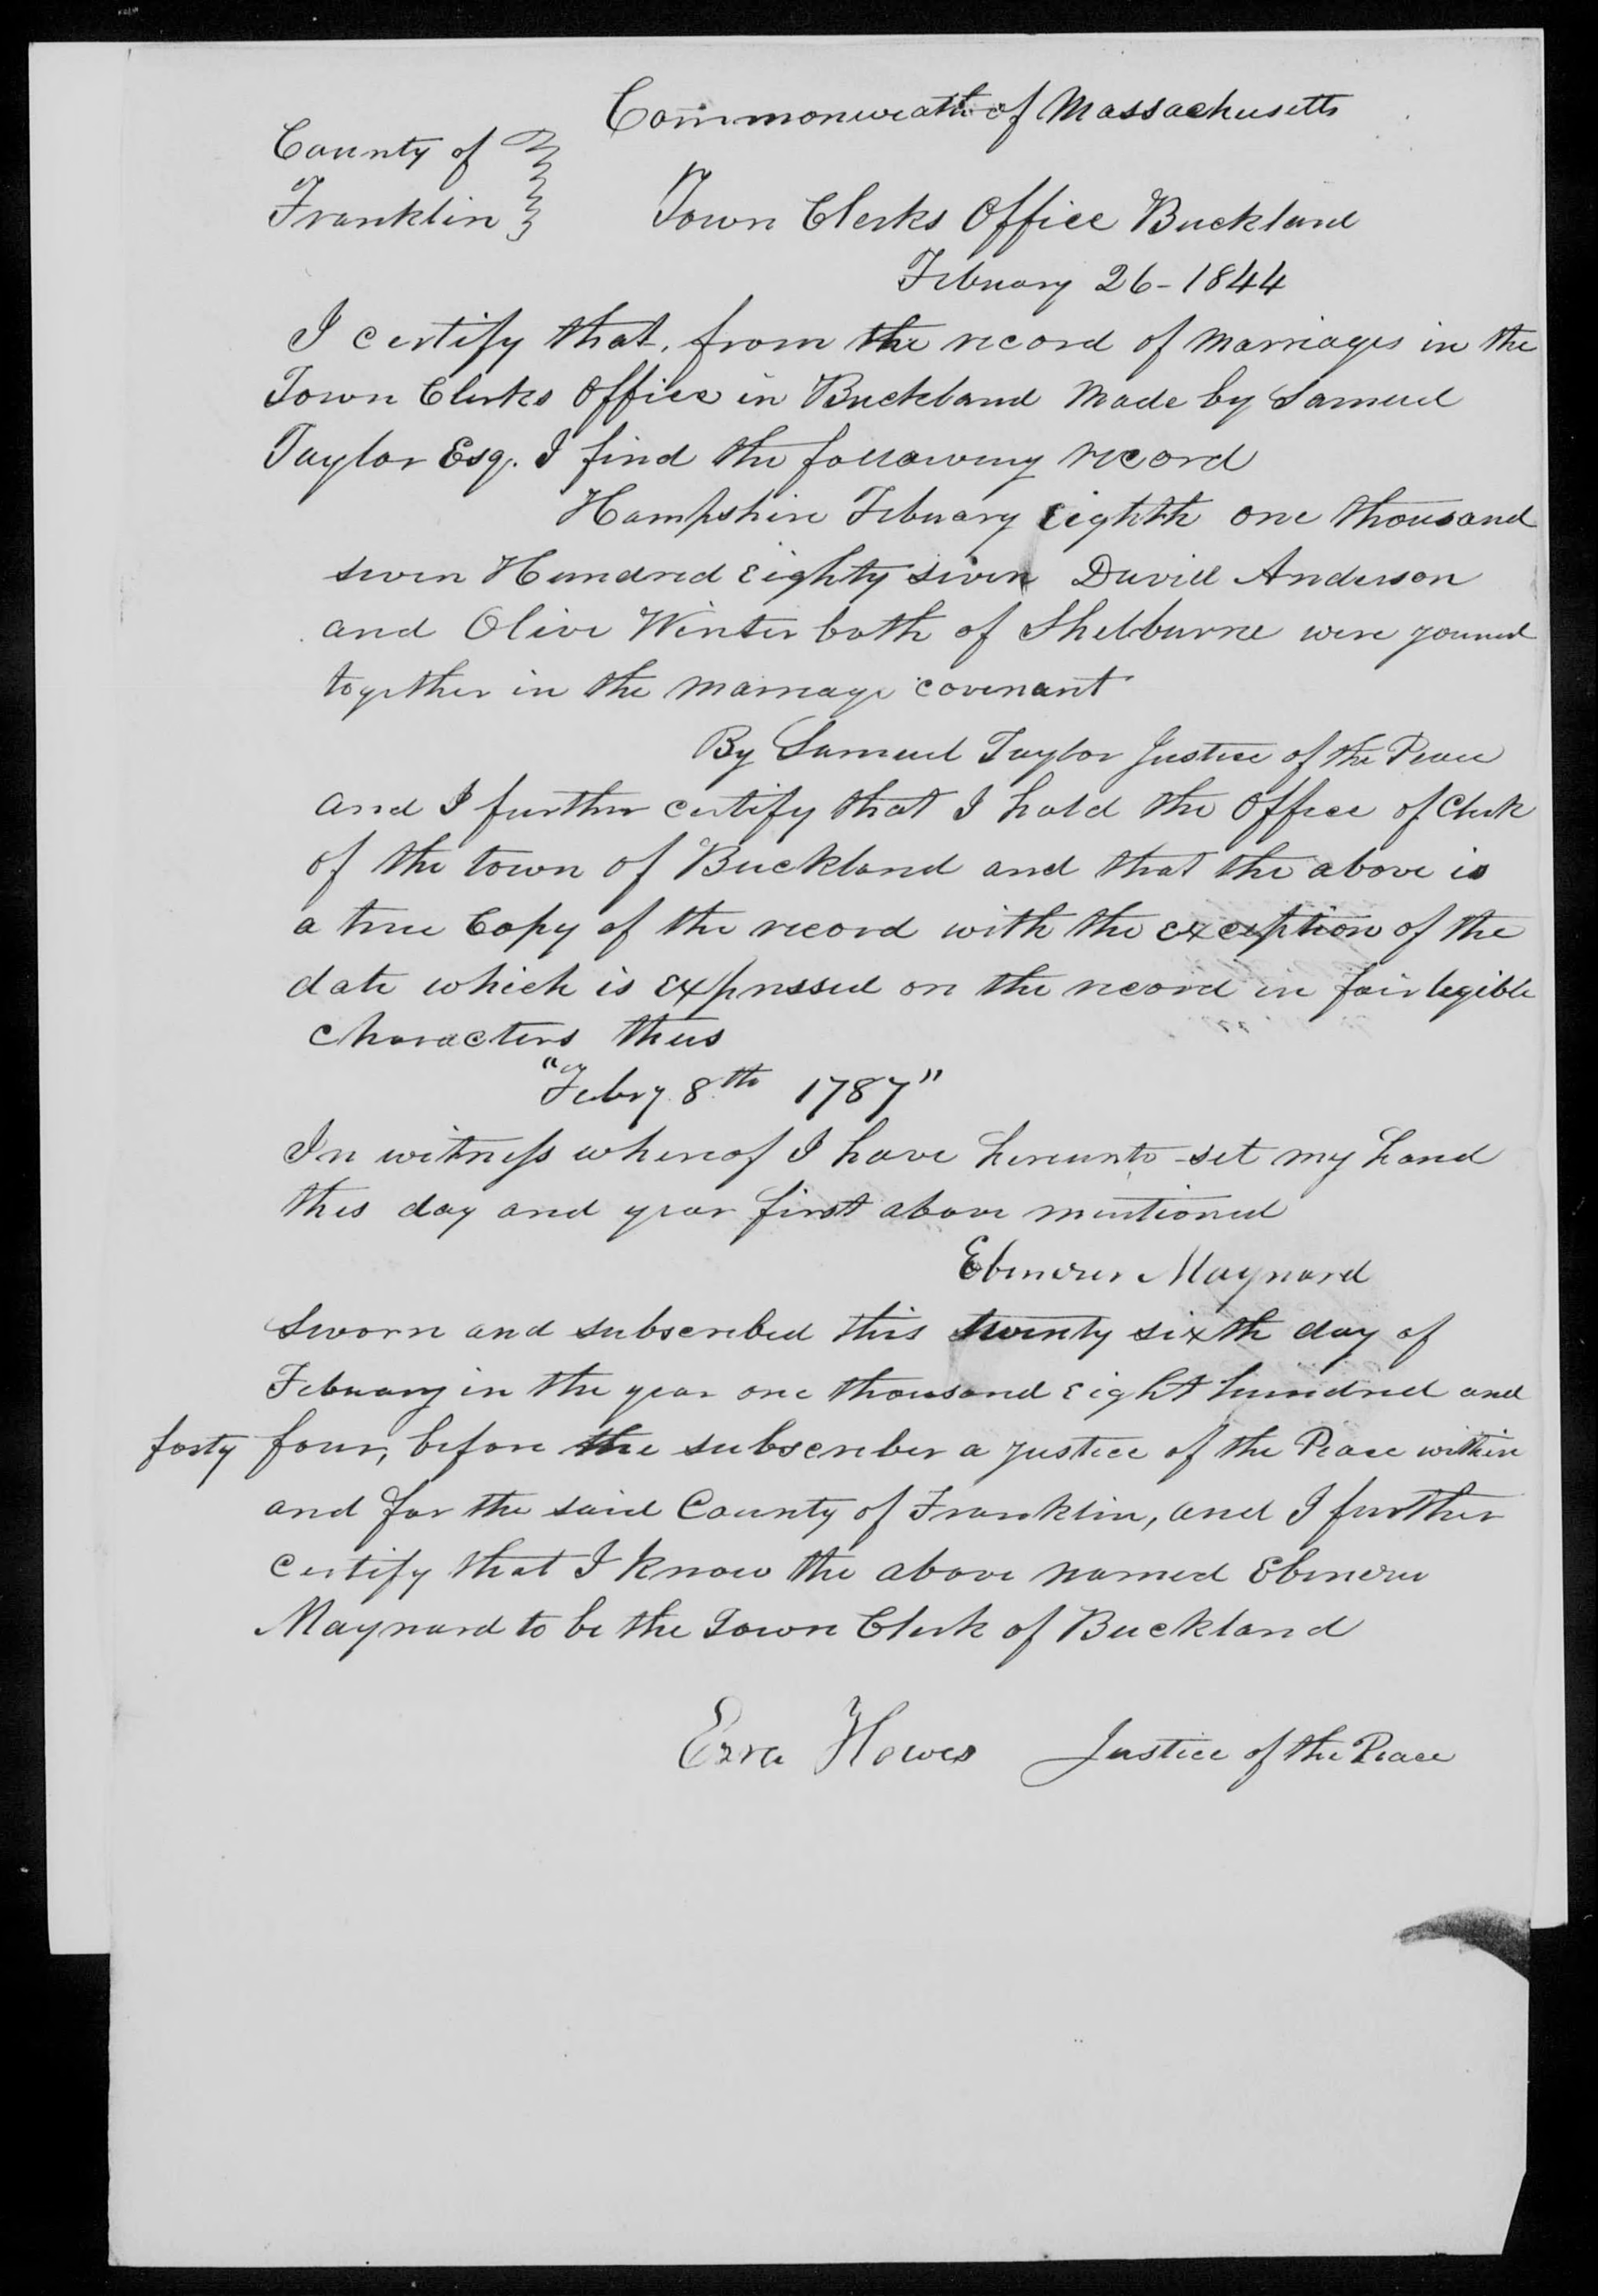Commonweath of Massachusetts
County of Franklin  Town Clerks Office Buckland
Febuary 26-- 1844
I certify that from the record of marriages in the
Town Clerks Office in Buckland made by Samuel
Taylor Esq. I find the following record
Hampshire Febuary Eighth one thousand
seven Hundred Eighty seven David Anderson
and Olive Winter both of Shelburne were found
together in the marriage covenant
By Samuel Taylor Justice of the Peace
and I further certify that I hold the office of Clerk
of the town of Buckland and that the above is a
true copy of the record with the exception of the
date which is expressed on the record in fair legible
characters this
"Feby 8th 1787"
In witness whereof I have hereunto set my hand
this day and year first above mentioned
Ebenezer Maynard
Sworn and subscribed this twenty sixth day of
February in the year one thousand Eight hundred and
forty four, before the subscriber a Justice of the Peace within
and for the said County of Franklin, and I further
certify that I know the above named Ebenezer
Maynard to be the Town Clerk of Buckland
Ezra Howes Justice of the Peace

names: Ezra Howes, David Anderson, Ebenezer Maynard, Samuel Taylor, Ebenezer Maynard, Olive Winter, Samuel Taylor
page: 11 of 39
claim: widow's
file: W. 20624, David Anderson, Mass